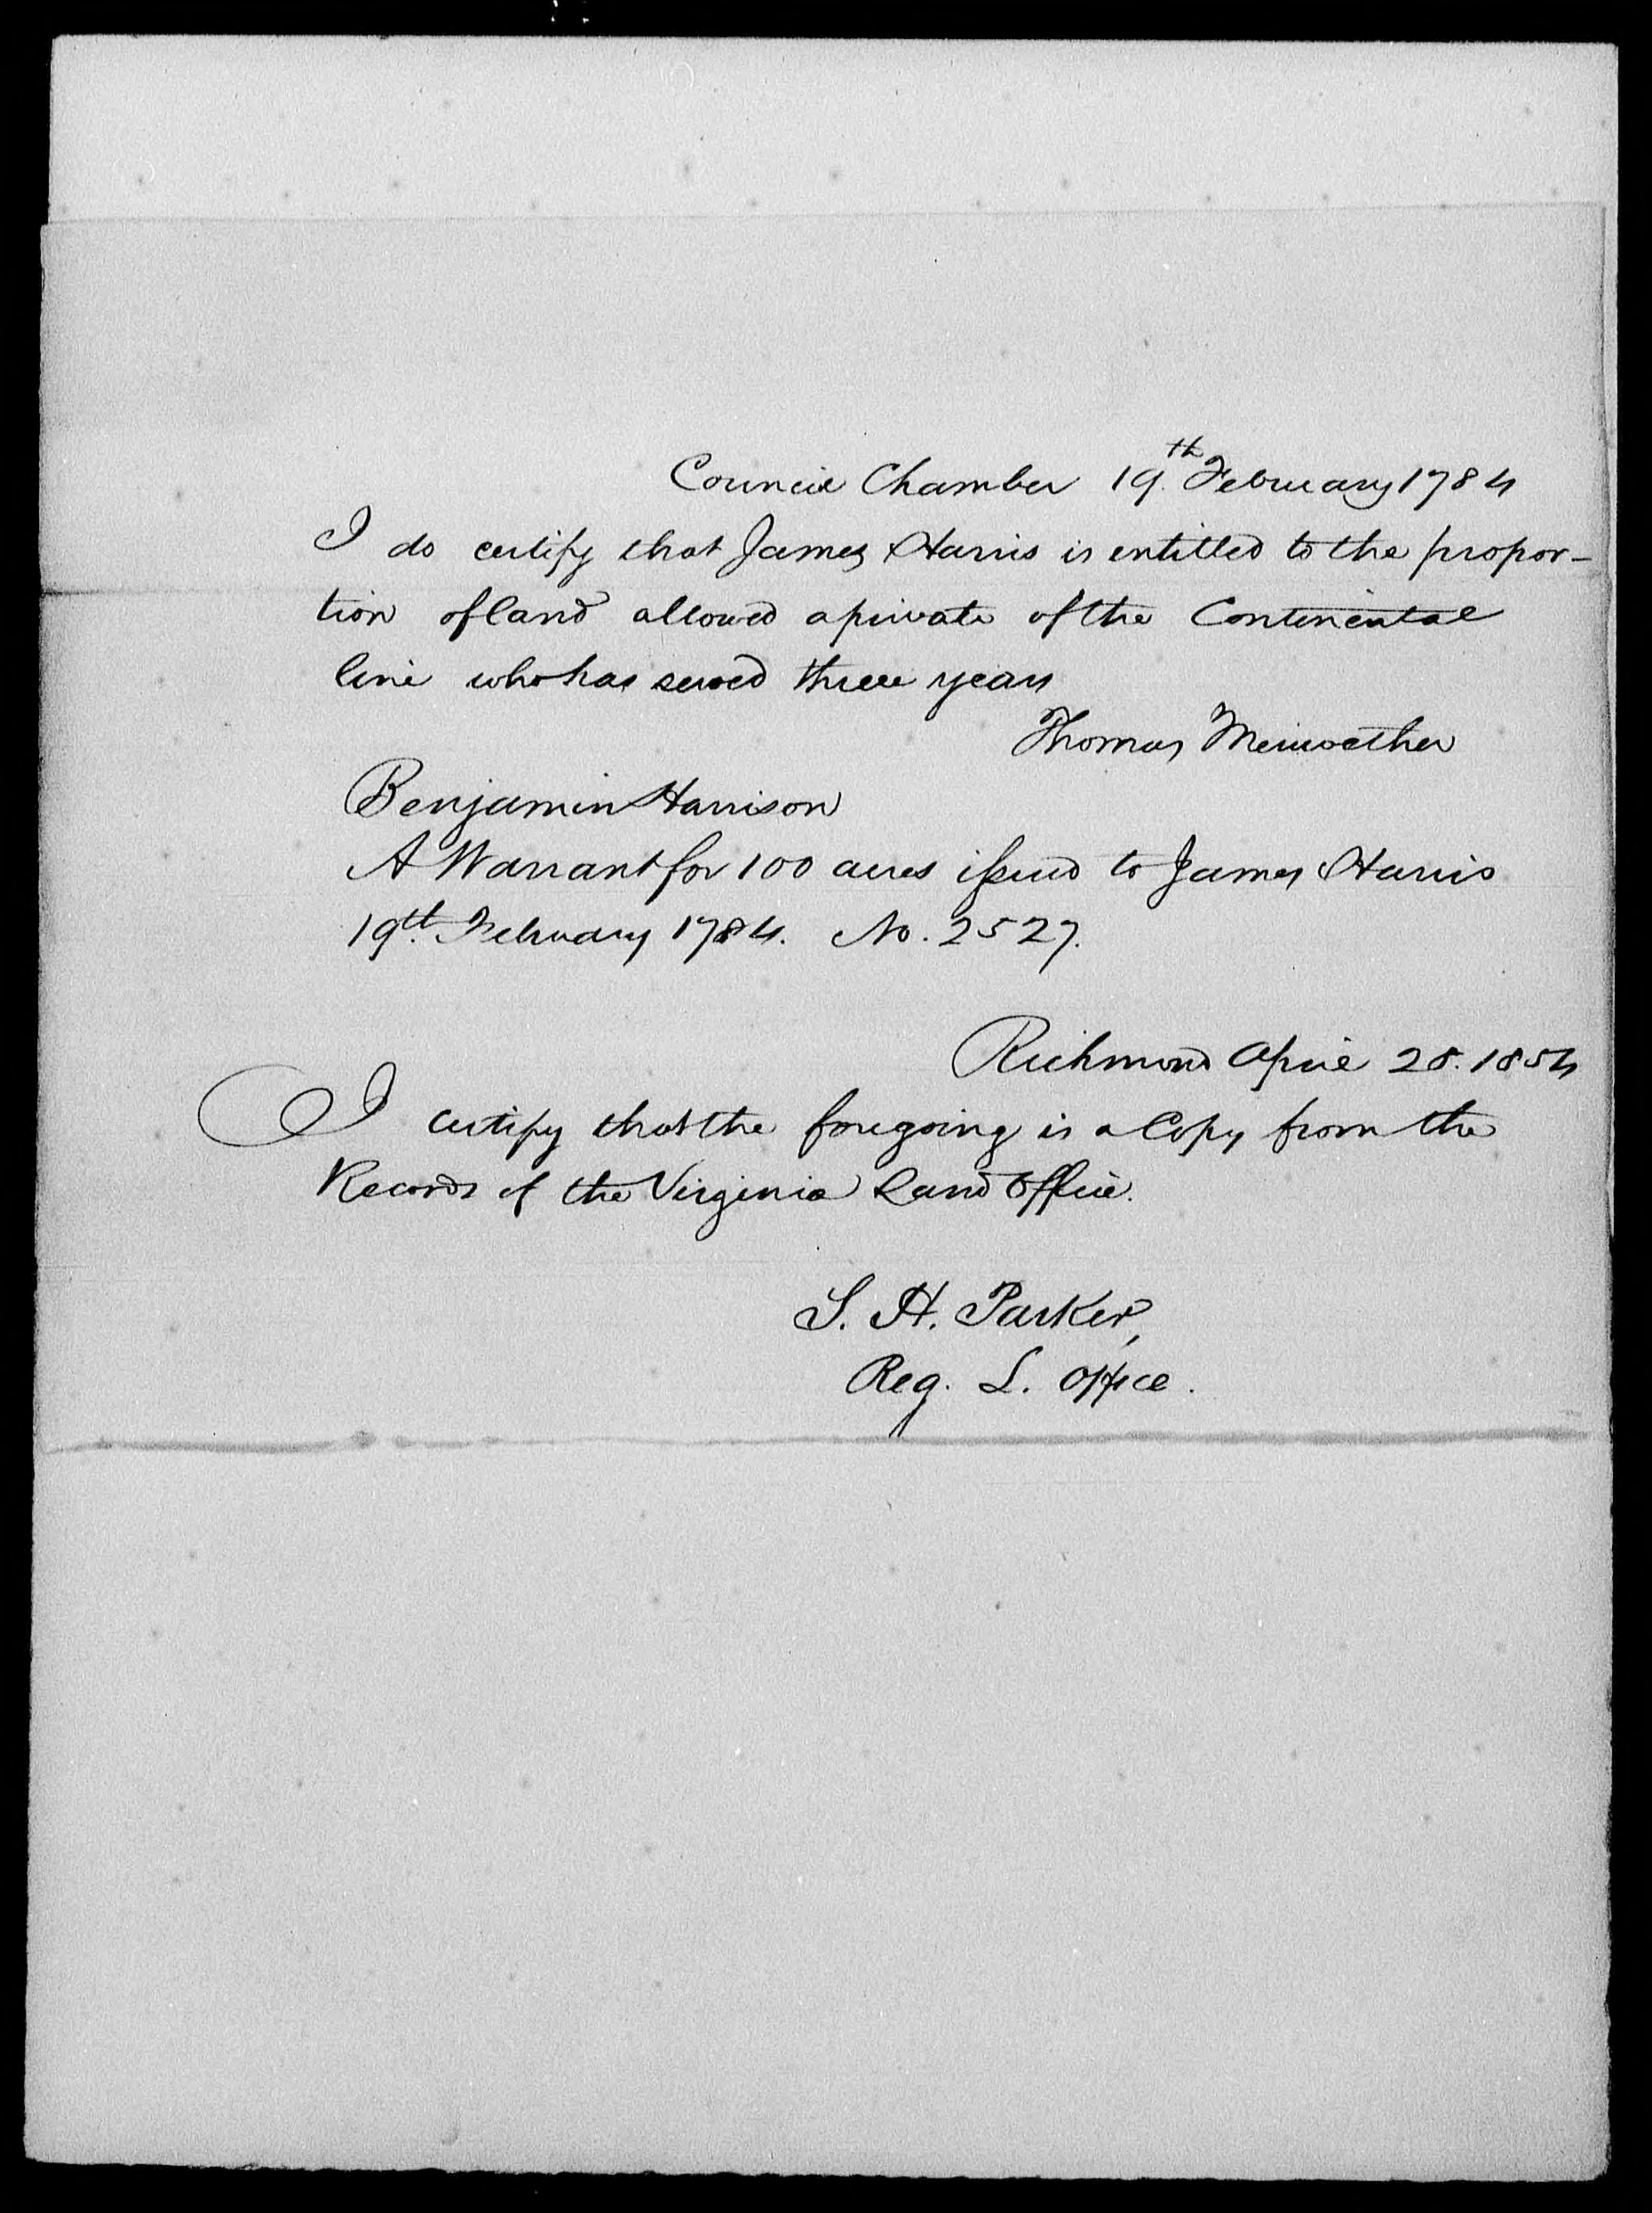Council Chamber 19th Februrary 1784
I do certify that James Harris is entitled to the propor-
tion of land allowed a private of the Continental
line who has served three years. 
Thomas Meriweather
Benjamin Harrison
A Warrant for 100 acres issued to James Harris
19th February 1784 No. 2527
Richmond April 20, 1854
I certify that the foregoing is a copy from the 
Records of the Virginia Land office.
L.H. Parker
Reg. L. Office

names: James Harris, James Harris, S H Parker, Thomas Meriwether, Benjamin Harrison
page: 2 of 160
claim: rejected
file: R. 4666, James Harris, Va.